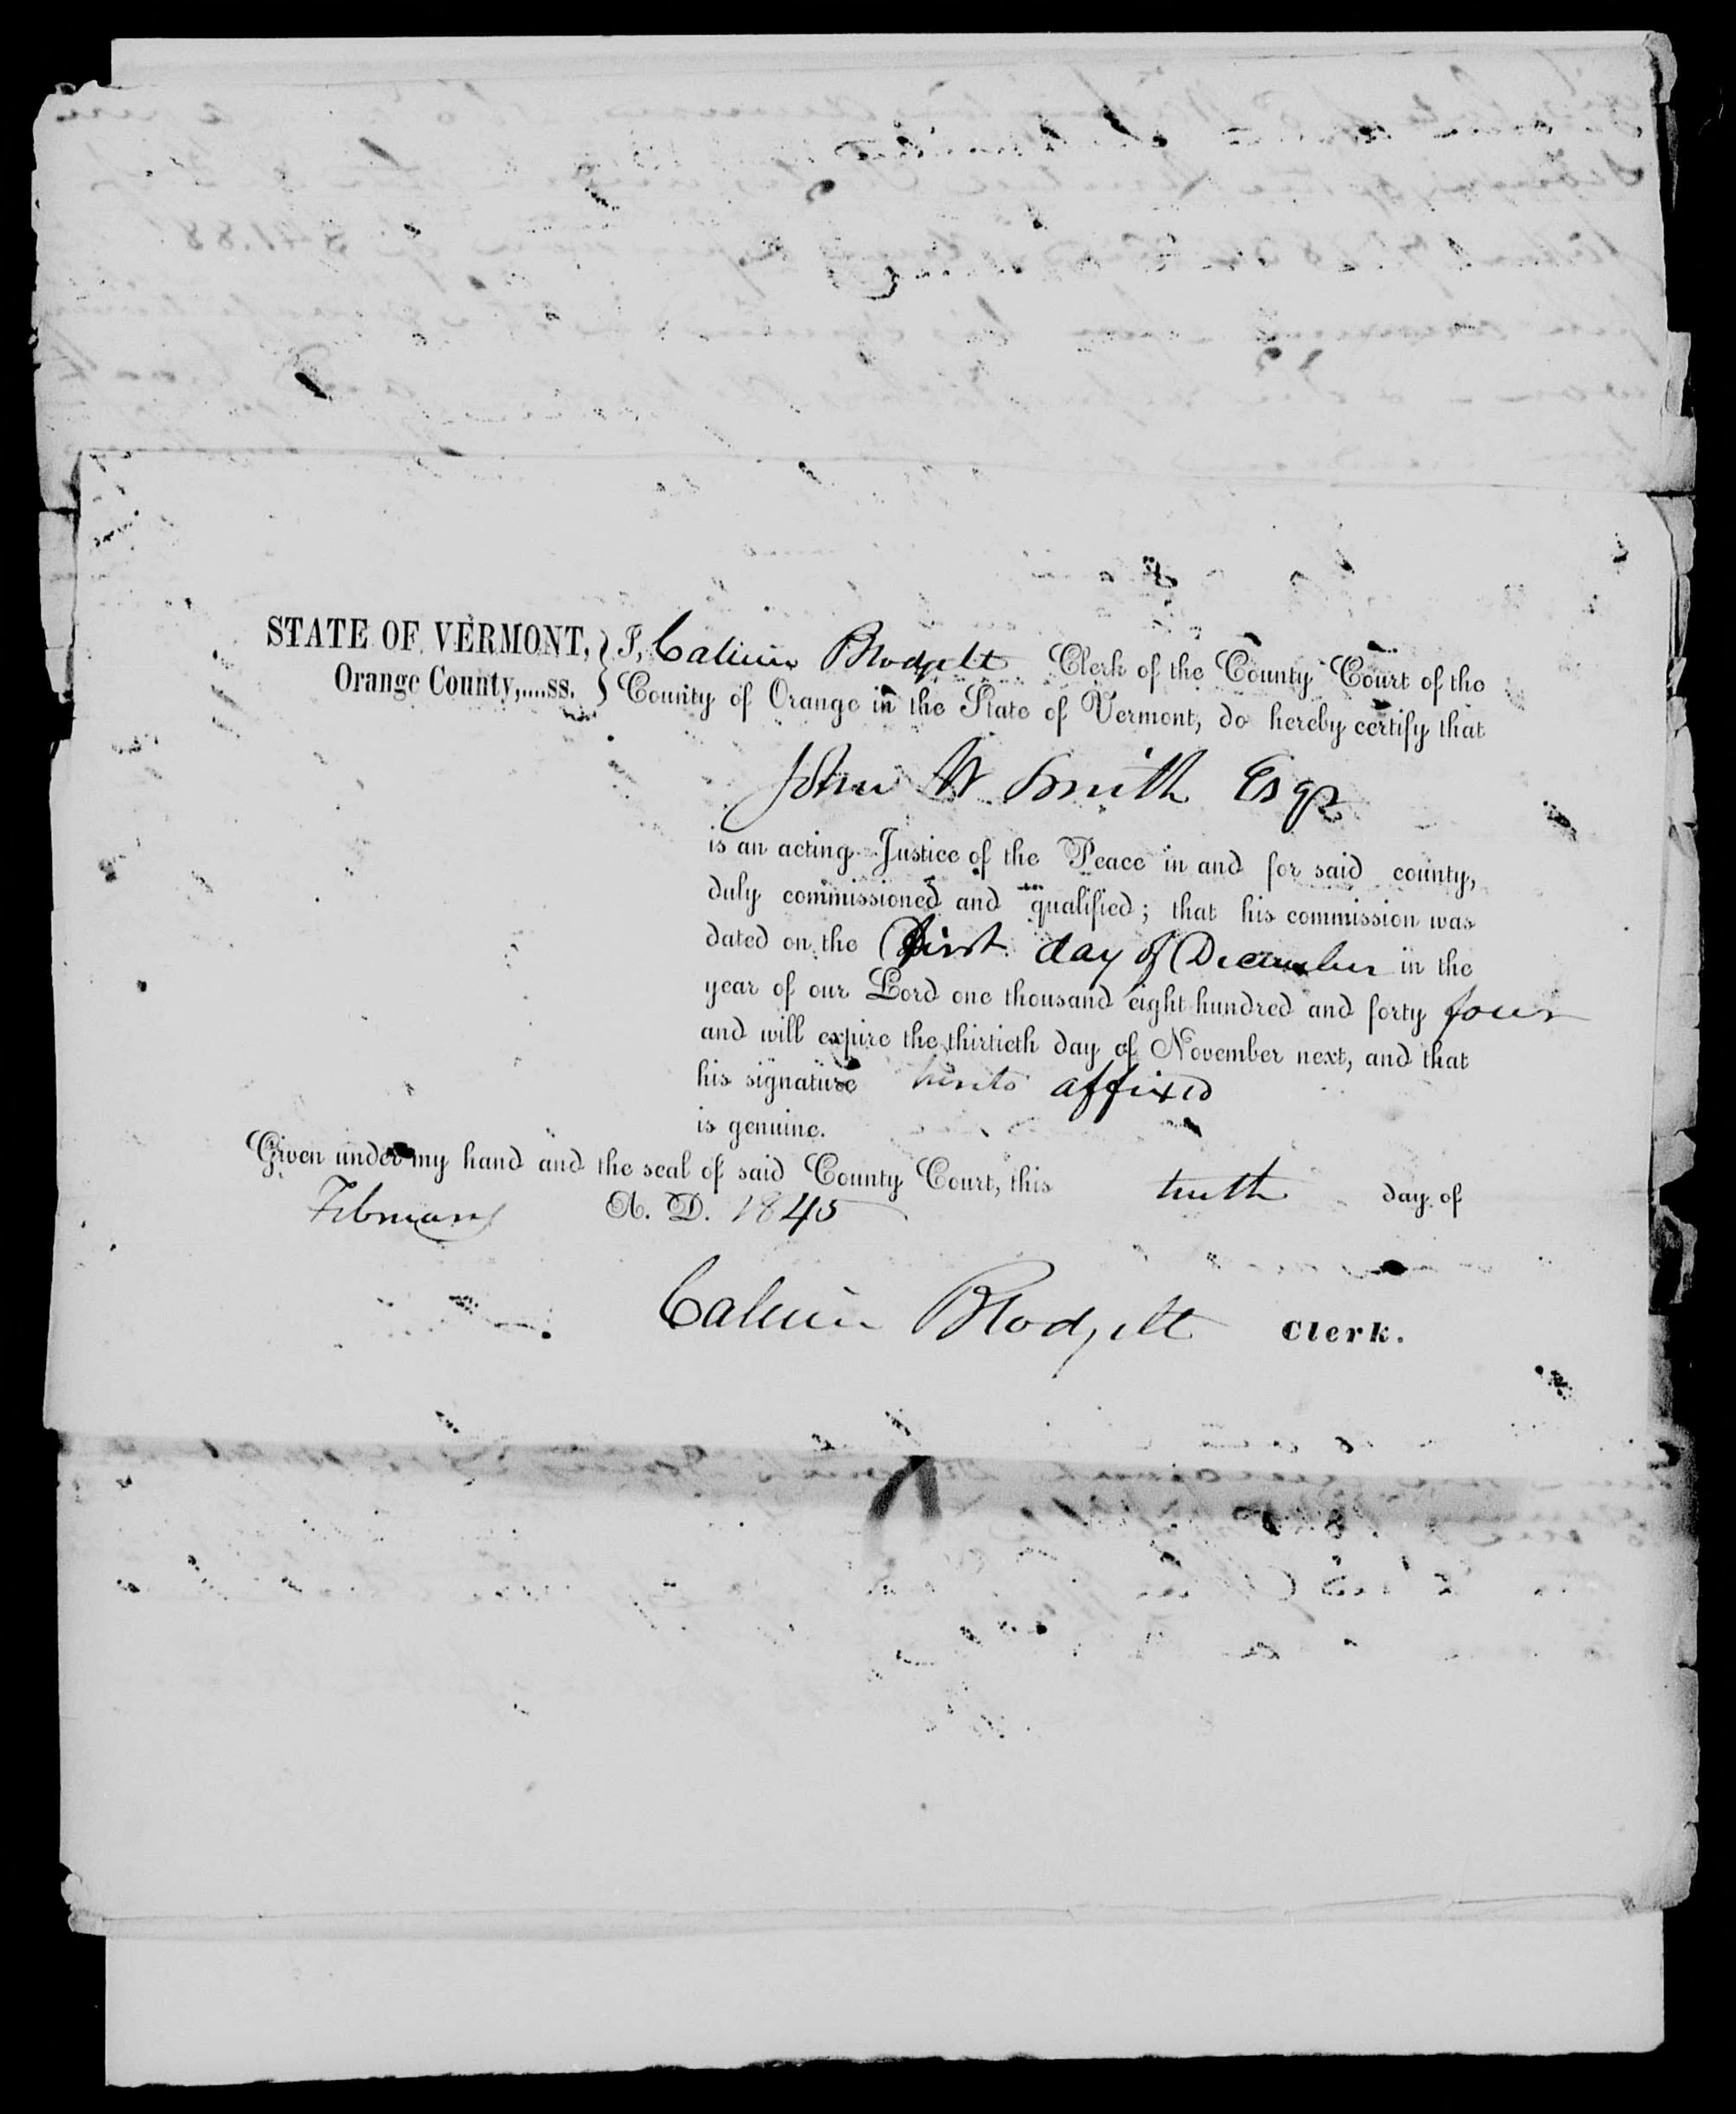STATE OF VERMONT,
Orange County,...SS.
I, Calvin Blodgett Clerk of the County Court of the
County of Orange in the State of Vermont, do hereby certify that John W. Smith Esqr
is an acting Justice of the Peace in and for said county,
duly commissioned and qualified; that his commission was
dated on the first day of December in the
year of our Lord one thousand eight hundred and forty four
and will expire the thirtieth day of November next, and that
his signature hereto affixed is genuine.
-
Given under my hand and the seal of said County Court, this tenth day of February A.D. 1845
Calvin Blodgett Clerk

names: Calvin Bridgett, Calvin Bridgett, John W Smith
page: 13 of 47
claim: widow's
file: W. 24043, Jacob Davis, N.H.